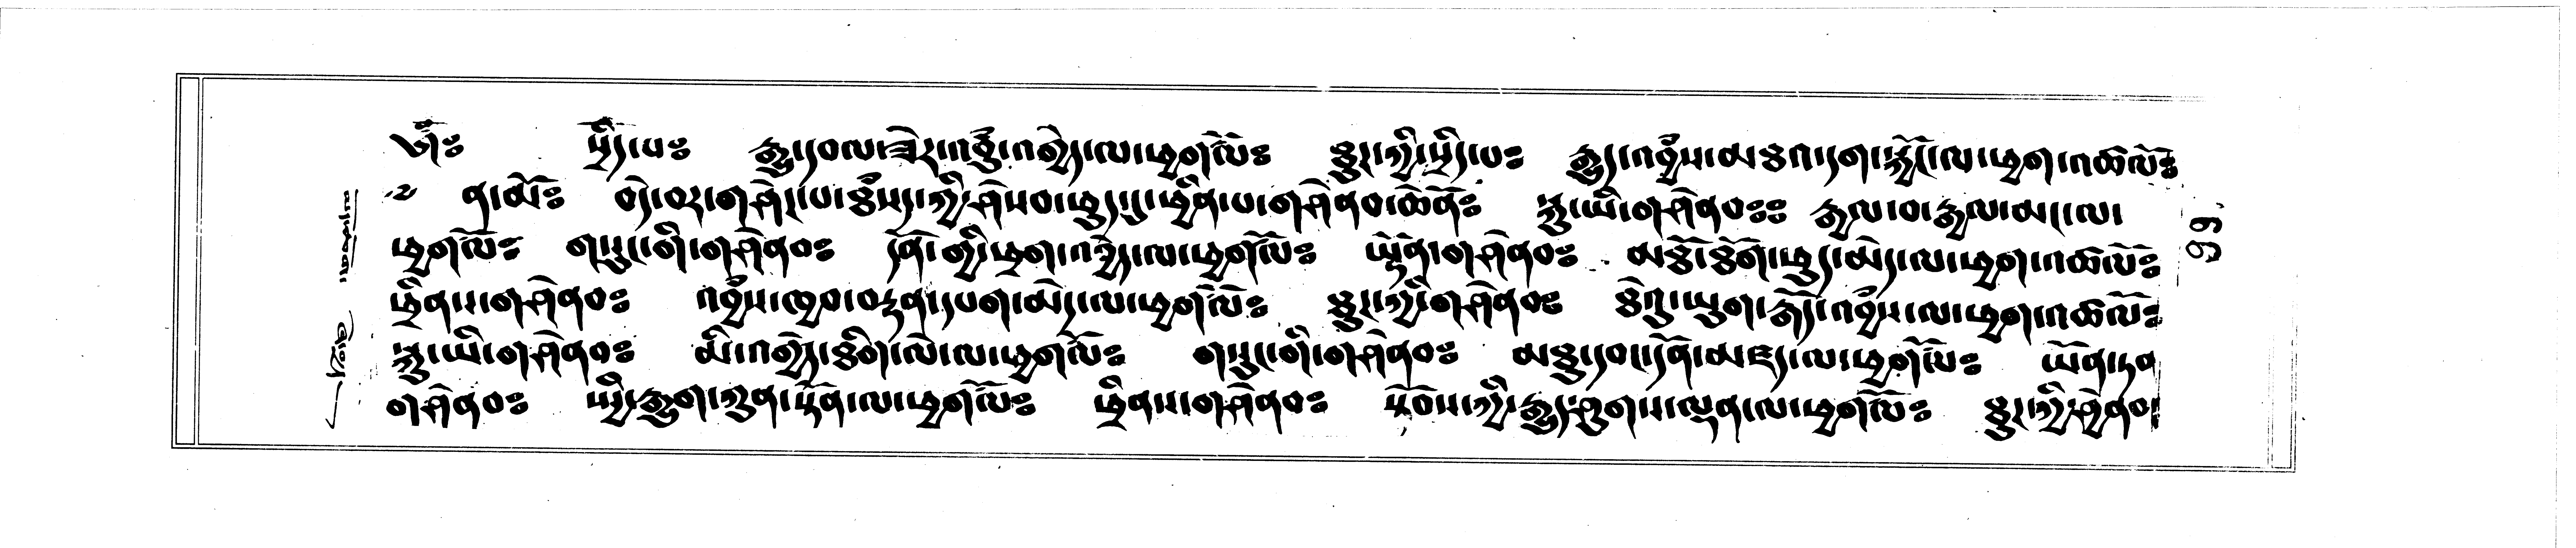སྲིད་པཿ རྒྱུད་དཔལ་ཟེར་འབུམ་འབྱེད་ལ་ཕྱག་འཚལ་ལོཿ ཐུགས་ཀྱི་སྲིད་པཿ རྒྱུད་འབྱམས་མཐའ་དག་སྐྱོང་ལ་ཕྱག་འཚལ་ལོཿ 
ན་མོ་བདེ་བར་གཤེགས་པ་ཐམས་ཅད་ཀྱི་ཤེས་རབ་ཕུལ་ཏུ་ཕྱིན་པའི་གཤེན་རབ་ཆེན་པོཿ སྐུ་ཡི་གཤེན་རབཿ རྒྱབ་ལ་བ་རྒྱལ་མང་ལ་
ཕྱག་འཚལ་ལོཿ གསུང་གི་གཤེན་རབཿ དོན་གྱི་ཕྲག་འབྱེད་ལ་ཕྱག་འཚལ་ལོཿ ཡོན་ཏན་གྱི་གཤེན་རབཿ མཐོ་ཐོག་ཕུད་མེད་ལ་ཕྱག་འཚལ་ལོཿ 
ཕྲིན་ལས་ཀྱི་གཤེན་རབཿ འབྱམས་ཁྱབ་རྟེན་དཔག་མེད་ལ་ཕྱག་འཚལ་ལོཿ ཐུགས་ཀྱི་གཤེན་རབཿ ཐེའུ་ཡུག་རྒོད་འབྱམས་ལ་ཕྱག་འཚལ་ལོཿ 
སྐུ་ཡི་གཤེན་རབཿ མི་འགྱེད་ཐིག་ལེ་ལ་ཕྱག་འཚལ་ལོཿ གསུང་གི་གཤེན་རབཿ མཐུ་དབང་དོན་མཛད་ལ་ཕྱག་འཚལ་ལོཿ ཡོན་ཏན་གྱི་
གཤེན་རབཿ སྤྱི་རྒྱུག་ཀུན་སྟོན་ལ་ཕྱག་འཚལ་ལོཿ ཕྲིན་ལས་ཀྱི་གཤེན་རབཿ སྟོབས་ཀྱི་རྒྱུད་ཤུགས་ལྡན་ལ་ཕྱག་འཚལ་ལོཿ ཐུགས་ཀྱི་གཤེན་རབཿ